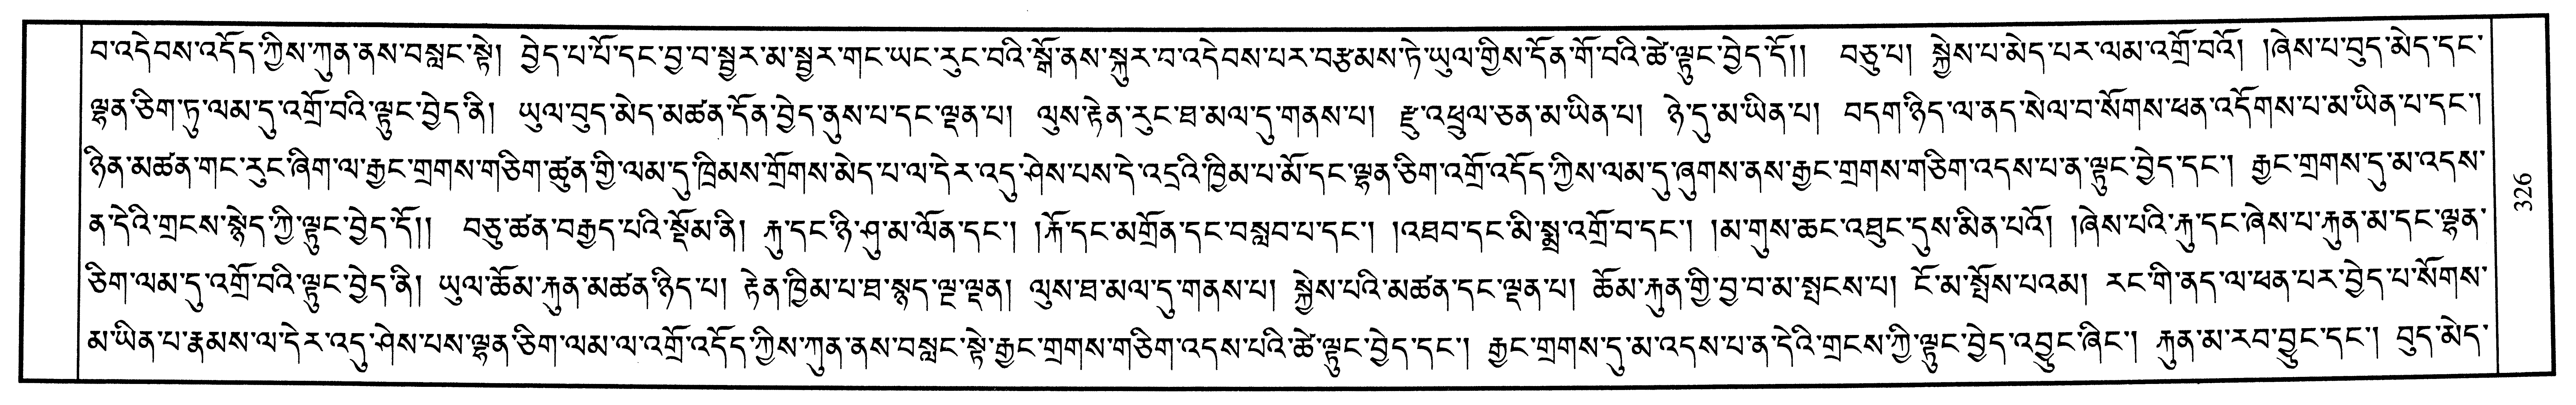བ་འདེབས་འདོད་ཀྱིས་ཀུན་ནས་བསླང་སྟེ། བྱེད་པ་པོ་དང་བྱ་བ་སྦྱར་མ་སྦྱར་གང་ཡང་རུང་བའི་སྒོ་ནས་སྐུར་བ་འདེབས་པར་བརྩམས་ཏེ་ཡུལ་གྱིས་དོན་གོ་བའི་ཚེ་ལྟུང་བྱེད་དོ།། བཅུ་པ། སྐྱེས་པ་མེད་པར་ལམ་འགྲོ་བའོ། །ཞེས་པ་བུད་མེད་དང་
ལྷན་ཅིག་ཏུ་ལམ་དུ་འགྲོ་བའི་ལྟུང་བྱེད་ནི། ཡུལ་བུད་མེད་མཚན་དོན་བྱེད་ནུས་པ་དང་ལྡན་པ། ལུས་རྟེན་རུང་ཐ་མལ་དུ་གནས་པ། རྫུ་འཕྲུལ་ཅན་མ་ཡིན་པ། ཉེ་དུ་མ་ཡིན་པ། བདག་ཉིད་ལ་ནད་སེལ་བ་སོགས་ཕན་འདོགས་པ་མ་ཡིན་པ་དང་།
ཉིན་མཚན་གང་རུང་ཞིག་ལ་རྒྱང་གྲགས་གཅིག་ཚུན་གྱི་ལམ་དུ་ཁྲིམས་གྲོགས་མེད་པ་ལ་དེར་འདུ་ཤེས་པས་དེ་འདྲའི་ཁྱིམ་པ་མོ་དང་ལྷན་ཅིག་འགྲོ་འདོད་ཀྱིས་ལམ་དུ་ཞུགས་ནས་རྒྱང་གྲགས་གཅིག་འདས་པ་ན་ལྟུང་བྱེད་དང་། རྒྱང་གྲགས་དུ་མ་འདས་
ན་དེའི་གྲངས་སྙེད་ཀྱི་ལྟུང་བྱེད་དོ།། བཅུ་ཚན་བརྒྱད་པའི་སྡོམ་ནི། རྐུ་དང་ཉི་ཤུ་མ་ལོན་དང་། །རྐོ་དང་མགྲོན་དང་བསླབ་པ་དང་། །འཐབ་དང་མི་སྨྲ་འགྲོ་བ་དང་། །མ་གུས་ཆང་འཐུང་དུས་མིན་པའོ། །ཞེས་པའི་རྐུ་དང་ཞེས་པ་རྐུན་མ་དང་ལྷན་
ཅིག་ལམ་དུ་འགྲོ་བའི་ལྟུང་བྱེད་ནི། ཡུལ་ཆོམ་རྐུན་མཚན་ཉིད་པ། རྟེན་ཁྱིམ་པ་ཐ་སྙད་ལྔ་ལྡན། ལུས་ཐ་མལ་དུ་གནས་པ། སྐྱེས་པའི་མཚན་དང་ལྡན་པ། ཆོམ་རྐུན་གྱི་བྱ་བ་མ་སྤངས་པ། ངོ་མ་སྤོས་པའམ། རང་གི་ནད་ལ་ཕན་པར་བྱེད་པ་སོགས་
མ་ཡིན་པ་རྣམས་ལ་དེར་འདུ་ཤེས་པས་ལྷན་ཅིག་ལམ་ལ་འགྲོ་འདོད་ཀྱིས་ཀུན་ནས་བསླང་སྟེ་རྒྱང་གྲགས་གཅིག་འདས་པའི་ཚེ་ལྟུང་བྱེད་དང་། རྒྱང་གྲགས་དུ་མ་འདས་པ་ན་དེའི་གྲངས་ཀྱི་ལྟུང་བྱེད་འབྱུང་ཞིང་། རྐུན་མ་རབ་བྱུང་དང་། བུད་མེད་